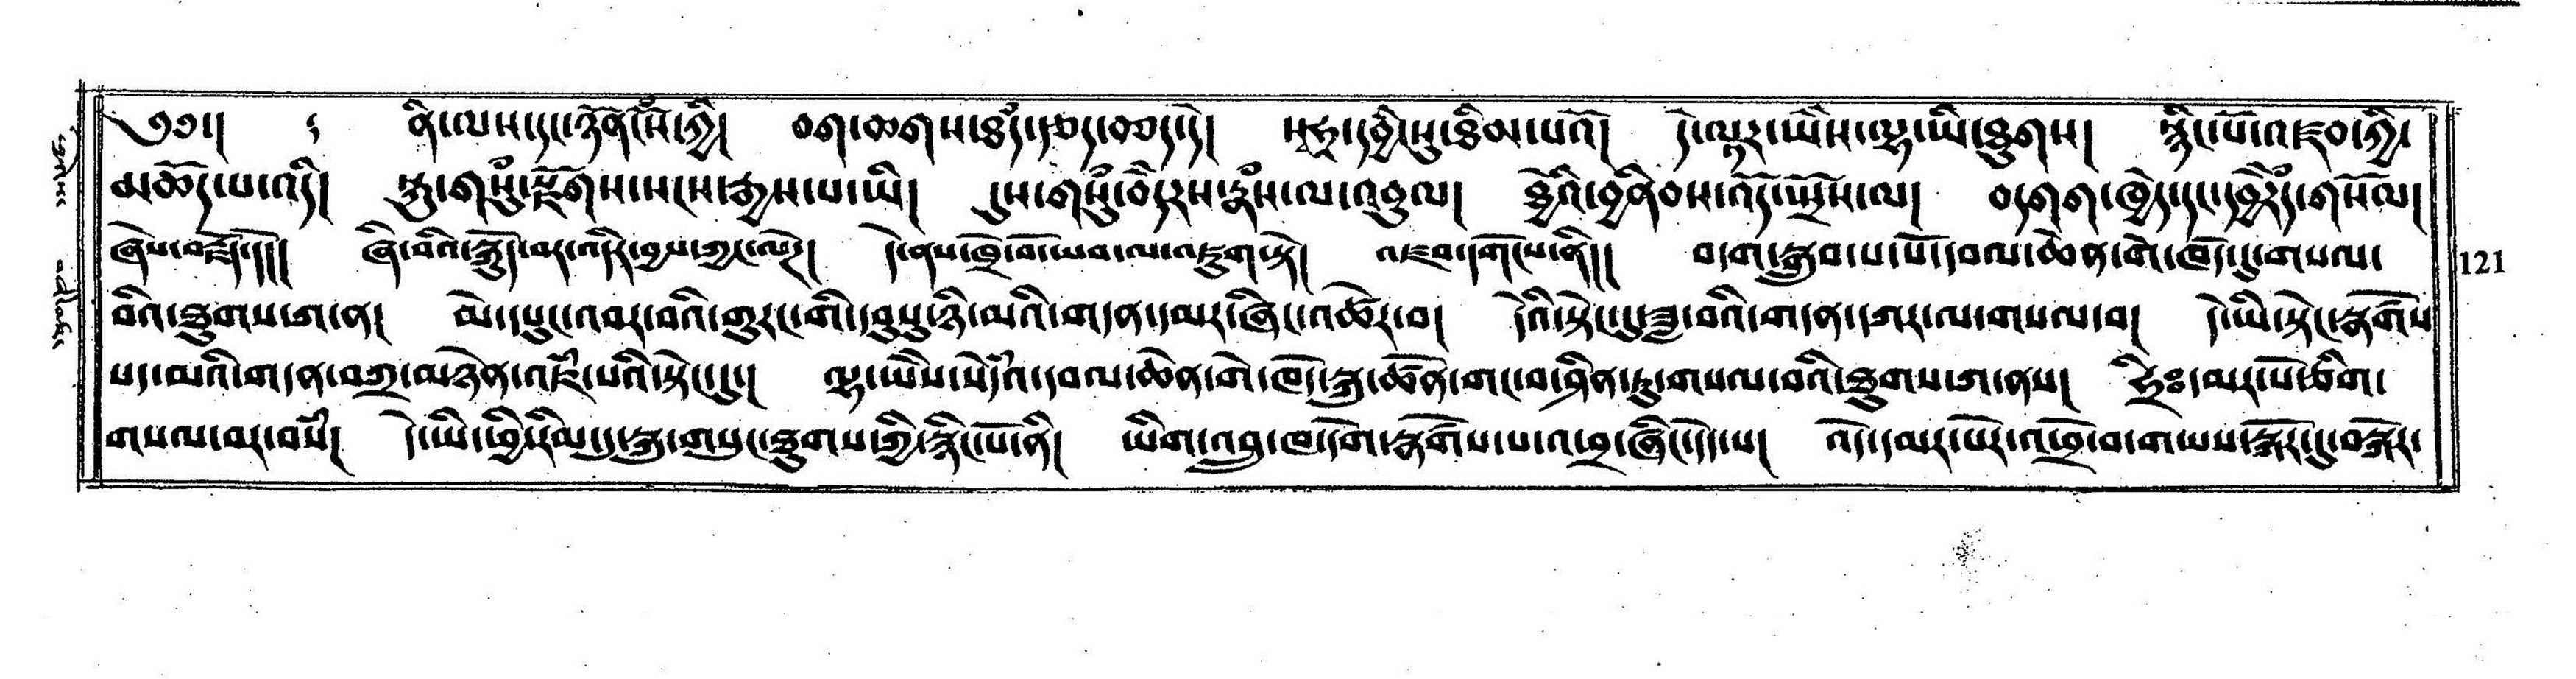ནི་ལས་དང་ཉོན་མོངས་ཀྱི། བག་ཆགས་ཐམས་ཅད་རྩད་བཅད་དེ། སྭཧཱ་དབྱིངས་སུ་ཐིམ་པའོ། དེ་ལྟར་ཡེ་ཤེས་ལྷ་ཡི་ཐུགས། སྙིང་པོ་འཛབ་ཀྱི་
མཆོད་པ་འདི། སྐུ་གསུམ་རྫོགས་སངས་རྒྱས་པ་ཡི། དུས་གསུམ་བདེར་གཤེགས་རྣམས་ལ་འབུལ། ཐུགས་རྗེའི་བྱིན་རླབས་འོད་སྤྲོས་ལ། བདག་ཅག་ཁྱེད་དང་དབྱེར་མེད་གསོལ། 
ཞེས་བརྗོད་དོ།། ཞི་བའི་སྐུ་བསྟོད་བར་འདིར་བྱས་ཀྱང་ལེགས། དེ་ནས་ཁྲོ་བོ་ཡབ་ལ་འཇུག་སྟེ། འཛབ་དགོངས་ནི།། བདག་སྒྲུབ་པ་པོ་དབལ་ཆེན་གེ་ཁོད་དུ་གསལ་
བའི་ཐུགས་ཀ་ན། མེ་དཔུང་འབར་བའི་གུར་ཁང་གི་དབུས་སུ་ཉི་མའི་གདན་དམར་ཞིང་འཚེར་བ། དེའི་སྟེང་དུ་ཟླ་བའི་གདན་དཀར་ལ་གསལ་བ། དེ་ཡི་སྟེང་སྣ་ཚོགས་
པད་མའི་གདན་བཀྲ་མཉེན་འཇམ་པའི་སྟེང་དུ། ལྷ་ཡེ་ཤེས་སེམས་དཔའ་དབལ་ཆེན་གེ་ཁོད་སྐུ་ཚོན་གང་བ་ཤིན་ཏུ་གསལ་བའི་ཐུགས་ཀ་ནས། ཧྲིཿདམར་པོ་ཅིག་
གསལ་བར་བསམ། དེ་ཡི་ཕྱི་རིམ་དུ་སྐུ་གསུང་ཐུགས་ཀྱི་སྙིང་པོ་ནི། ཡིག་འབྲུ་ཁ་དོག་སྣ་ཚོགས་པ་འཕྲ་ཞིང་དོད་པ། འོད་དམར་པོར་འཕྲོ་བ་གཡས་སྐོར་དུ་བསྐོར་